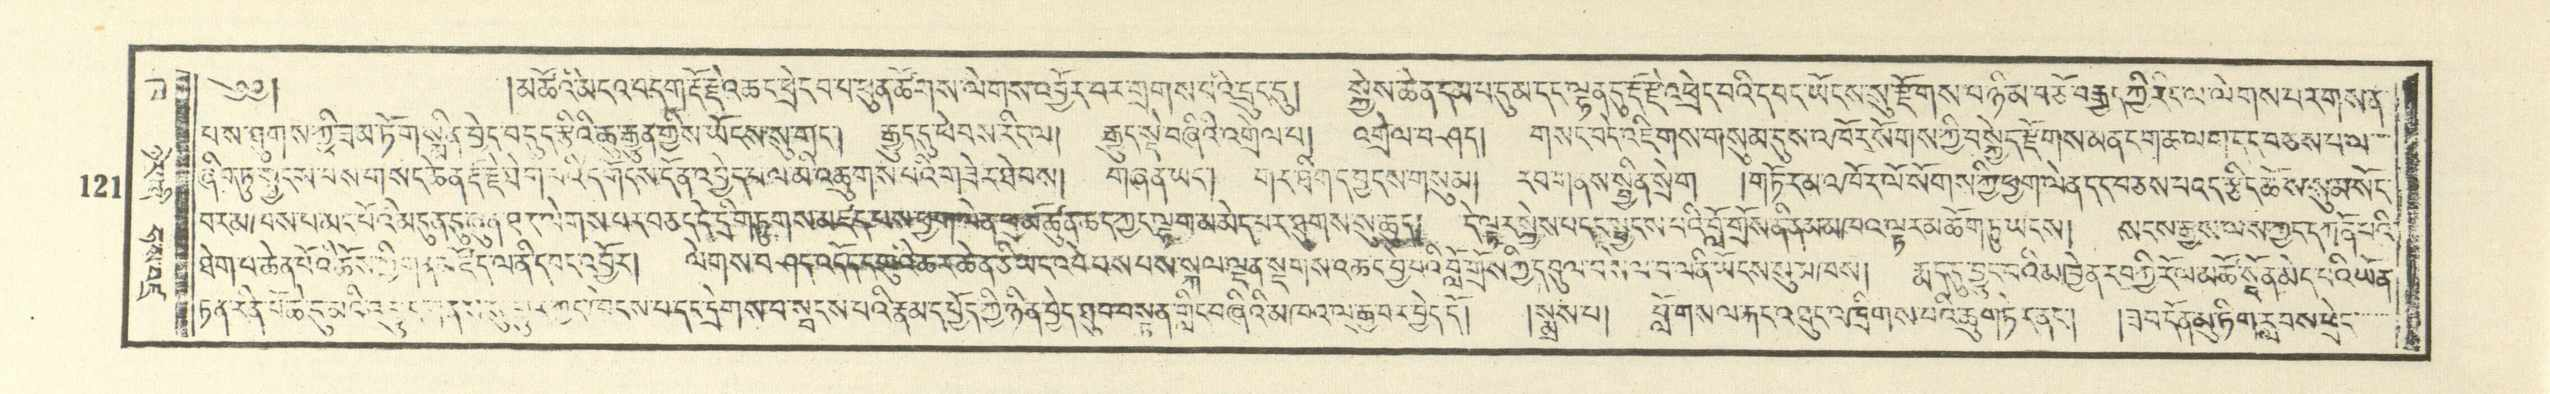༄༅། །མཚོའི་མངའ་བདག་རྡོ་རྗེ་འཆང་ཕྲེང་བ་པ་ཕུན་ཚོགས་ལེགས་འབྱོར་བར་གྲགས་པའི་དྲུང་དུ། སྐྱེས་ཆེན་དམ་བ་དུ་མ་དང་ལྷན་དུ་རྡོ་རྗེ་འཕྲེང་བའི་དབང་ཡོངས་སུ་རྫོགས་པ་ཉི་མ་བཅོ་བརྒྱད་ཀྱི་རིང་ལ་ལེགས་པར་གསན་
པས་ཐུགས་ཀྱི་ཟ་མ་ཏོག་སྨིན་བྱེད་བདུད་རྩིའི་ཆུ་རྒྱུན་གྱིས་ཡོངས་སུ་གང་། རྒྱུད་དུ་ཕེབས་རིང་ལ། རྒྱུད་སྡེ་བཞིའི་འགྲེལ་པ། འགྲེལ་བཤད། གསང་བདེ་འཇིགས་གསུམ་དུས་འཁོར་སོགས་ཀྱི་བསྐྱེད་རྫོགས་མན་ངག་ཆ་ལག་དང་བཅས་པ་ལ་
ཞིབ་ཏུ་སྦྱངས་པས་གསང་ཆེན་རྡོ་རྗེ་ཐེག་པའི་དགོངས་དོན་འབྱེད་པ་ལ་མི་འཆུགས་པའི་གཟེར་ཐེབས། གཞན་ཡང་། གར་ཐིག་དབྱངས་གསུམ། རབ་གནས་སྦྱིན་སྲེག །གཏོར་མ་འཁོར་ལོ་སོགས་ཀྱི་ཕྱག་ལེན་དང་བཅས་པའང་རྩིད་ཆོས་སུ་མ་སོང་
བར་མཁས་པ་མང་པོའི་མདུན་དུ་ཞུན་ཐར་ལེགས་པར་བཅད་དེ་དྲི་གཏུགས་མཛད་པས་ཕྱག་ལེན་ཕྲ་མོ་ཚུན་ཆད་ཀྱང་ལྷག་མ་མེད་པར་ཐུགས་སུ་ཆུད། དེ་ལྟར་སྐྱེས་པ་དང་སྦྱངས་པའི་བློ་གྲོས་ནི་ནམ་མཁའ་ལྟར་མཆོག་ཏུ་ཡངས། སངས་རྒྱས་ལས་ཀྱང་དཀོན་པའི་
ཐེག་པ་ཆེན་པོའི་ཆོས་ཀྱི་གན་མཛོད་ལ་ནི་དབང་འབྱོར། ལེགས་བཤད་འདོད་དགུའི་ཆར་ཆེན་ཅི་ཡང་འབེབས་པས་སྐལ་ལྡན་སྔགས་འཆང་བྱེ་བའི་བློ་གྲོས་ཀྱི་དབུལ་བ་སེལ་བ་ལ་ནི་ཡོངས་སུ་མཁས། རྨད་དུ་བྱུང་བའི་མཁྱེན་རབ་ཀྱི་རོལ་མཚོ་སྔོན་མེད་པའི་ཡོན་
ཏན་རིན་པོ་ཆེ་དུ་མའི་འབྱུང་གནས་སུ་གྱུར་ཀྱང་ཁེངས་པ་དང་དྲེགས་པ་སྤངས་པའི་རྣམ་དཔྱོད་ཀྱི་ཉིན་བྱེད་ཐུབ་བསྟན་གླིང་བཞིའི་མཁའ་ལ་རྒྱུ་བར་བྱེད་དོ། །སྨྲས་པ། བློ་གསལ་རྐང་འཐུང་འཁྲིགས་པའི་ཆུ་གཏེར་ནང་། །ཟབ་དོན་མུ་ཏིག་རླབས་ཕྲེང་